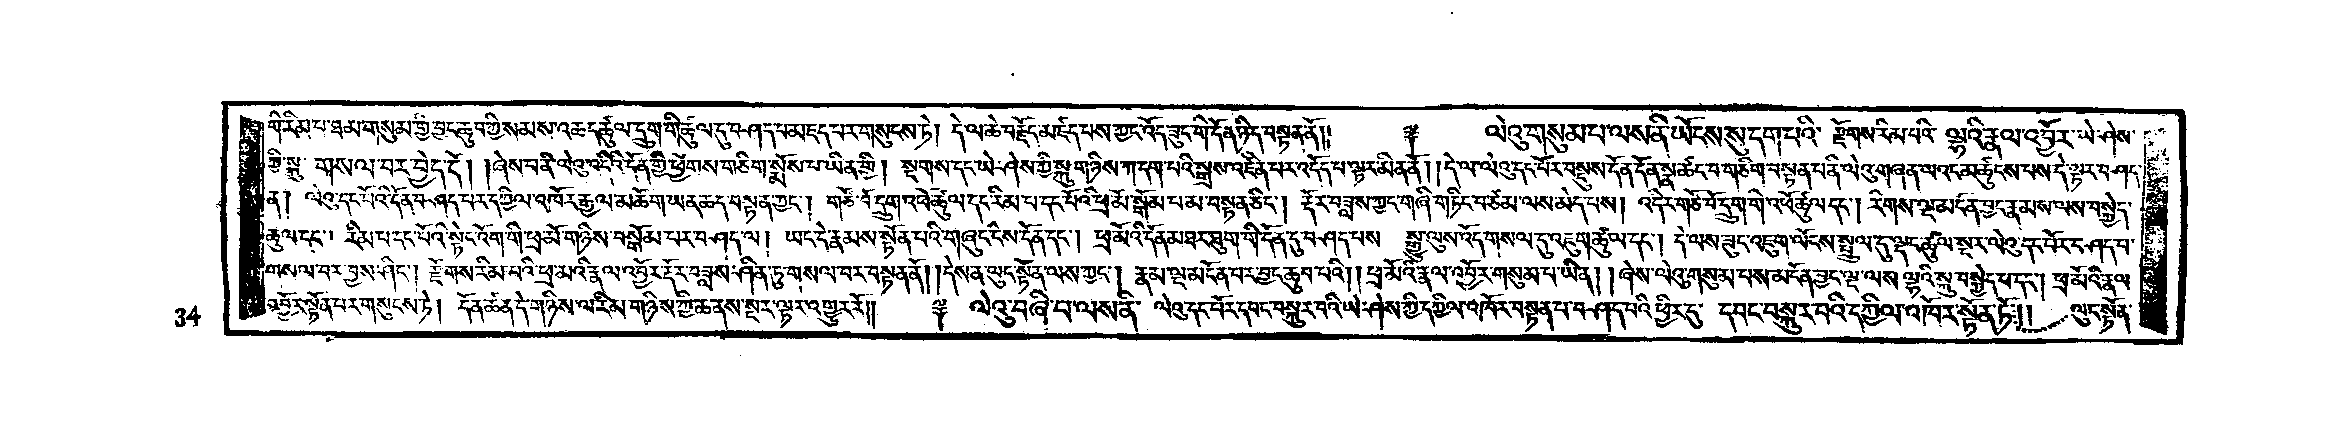གི་རིམ་པ་ཐ་མ་གསུམ་གྱི་བྱང་ཆུབ་ཀྱི་སེམས་འཆད་ཚུལ་དྲུག་གི་ཚུལ་དུ་བཤད་པ་མཛད་པར་གསུངས་ཏེ། དེ་ལ་ཆེ་བརྗོད་མཛད་པས་ཀྱང་འོད་ཟུང་གི་དོན་ཉིད་བསྟན་ནོ།། ༈ ལེའུ་གསུམ་པ་ལས་ནི་ཡོངས་སུ་དག་པའི་རྫོགས་རིམ་པའི་ལྷའི་རྣལ་འབྱོར་ཡེ་ཤེས་
ཀྱི་སྐུ་གསལ་བར་བྱེད་དོ། །ཞེས་པ་ནི་ལེའུ་འདིའི་དོན་གྱི་ཕྱོགས་གཅིག་སྨོས་པ་ཡིན་གྱི། སྔགས་དང་ཡེ་ཤེས་ཀྱི་སྐུ་གཉིས་ཀ་དག་པའི་སྒྲས་འཛིན་པར་འདོད་པ་ལྟར་མིན་ནོ། །དེ་ལ་ལེའུ་དང་པོར་བསྡུས་དོན་དོན་སྣ་ཚང་བ་གཅིག་བསྟན་པ་ནི་ལེའུ་གཞན་ལའང་མཚུངས་པས་དེ་ལྟར་བཤད་
ན། ལེའུ་དང་པོའི་དོན་བཤད་པར་དཀྱིལ་འཁོར་རྒྱལ་མཆོག་ཡན་ཆད་བསྟན་ཀྱང་། གཙོ་བོ་དྲུག་འཕོ་ཚུལ་དང་རིམ་པ་དང་པོའི་ཕྲ་མོ་སྒོམ་པ་མ་བསྟན་ཅིང་། རྡོར་བཟླས་ཀྱང་གཞི་གཏིང་བ་ཙམ་ལས་མེད་པས། འདིར་གཙོ་བོ་དྲུག་གི་འཕོ་ཚུལ་དང་། རིགས་ལྔ་མངོན་བྱང་རྣམས་ལས་བསྐྱེད་
ཚུལ་དང་། རིམ་པ་དང་པོའི་སྟེང་འོག་གི་ཕྲ་མོ་གཉིས་བསྒོམ་པར་བཤད་ལ། ཡང་དེ་རྣམས་སྟོན་པའི་གཞུང་ངེས་དོན་དང་། ཕྲ་མོའི་དོན་མཐར་ཐུག་གི་དོན་དུ་བཤད་པས་སྒྱུ་ལུས་འོད་གསལ་དུ་འཇུག་ཚུལ་དང་། དེ་ལས་ཟུང་འཇུག་ལོངས་སྤྲུལ་དུ་ལྡང་ཚུལ་སྔར་ལེའུ་དང་པོར་བཤད་པ་
གསལ་བར་བྱས་ཤིང་། རྫོགས་རིམ་པའི་ཕྲ་མོའི་རྣལ་འབྱོར་རྡོར་བཟླས་ཤིན་ཏུ་གསལ་བར་བསྟན་ནོ། །དེས་ན་ལུང་སྟོན་ལས་ཀྱང་། རྣམ་ལྔ་མངོན་པར་བྱང་ཆུབ་པའི། །ཕྲ་མོའི་རྣལ་འབྱོར་གསུམ་པ་ཡིན། །ཞེས་ལེའུ་གསུམ་པས་མངོན་བྱང་ལྔ་ལས་ལྷའི་སྐུ་བསྐྱེད་པ་དང་། ཕྲ་མོའི་རྣལ་
འབྱོར་སྟོན་པར་གསུངས་ཏེ། དོན་ཚན་དེ་གཉིས་ལ་རིམ་གཉིས་ཀྱི་ཆ་ནས་སྔར་ལྟར་འགྱུར་རོ།། ༈ ལེའུ་བཞི་པ་ལས་ནི་ལེའུ་དང་པོར་དབང་བསྐུར་བའི་ཡེ་ཤེས་ཀྱི་དཀྱིལ་འཁོར་བསྟན་པ་བཤད་པའི་ཕྱིར་དུ་དབང་བསྐུར་བའི་དཀྱིལ་འཁོར་སྟོན་ཏོ། །ལུང་སྟོན་